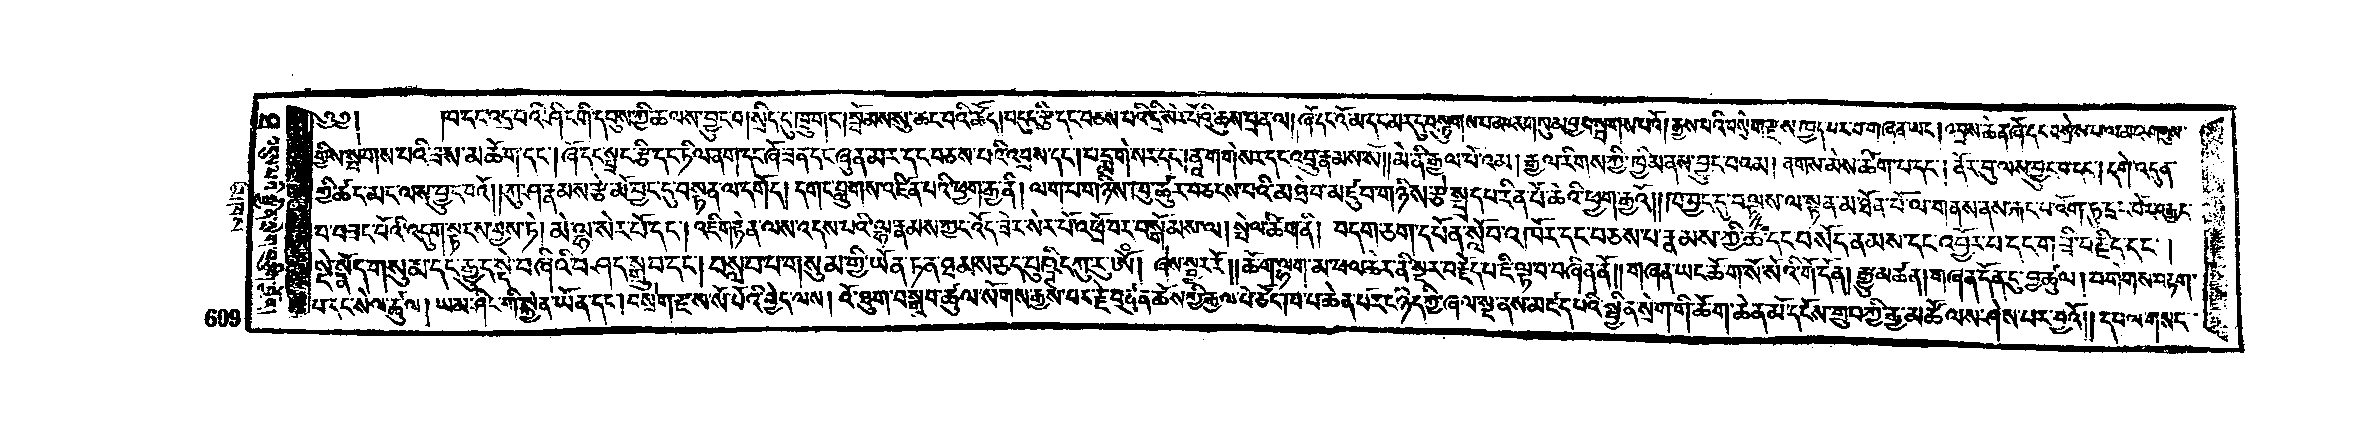༄༅། །བ་དང་འདྲ་བའི་ཤིང་གི་དབུས་ཀྱི་ཆ་ལས་བྱུང་བ། སྲིད་དུ་ཁྲུ་གང་། སྦོམས་སུ་ཆང་བའི་ཚོད། བདུད་རྩི་དང་བཅས་པའི་དྲི་སེར་པོའི་ཆུས་བྲན་ལ། ཞོ་དང་འོ་མ་དང་མར་དུ་བསྟུགས་པ་མངར་གསུམ་བྱ་བ་སྦགས་པའོ། །རྒྱས་པའི་བསྲེག་རྫས་ཁྱད་པར་བ་གཞན་ཡང་། འབྲས་ཆེན་ཞོ་དང་བསྲེས་པ་ལ་མངར་གསུམ་
གྱིས་སྦགས་པའི་ཟས་མཆོག་དང་། ཞོ་དང་སྦྲང་རྩི་དང་ཏིལ་ནག་དང་ཞོ་ཟན་དང་ཞུན་མར་དང་བཅས་པའི་འབྲས་དང་། པདྨ་གེ་སར་དང་། ནཱ་ག་གེ་སར་དང་འབྲུ་རྣམས་སོ། །མེ་ནི་རྒྱལ་པོ་འམ། རྒྱལ་རིགས་ཀྱི་ཁྱིམ་ནས་བྱུང་བའམ། ནགས་མེས་ཚིག་པ་དང་། མོར་བུ་ལས་བྱུང་བ་དང་། དགེ་འདུན་
གྱི་ཚང་མང་ལས་བྱུང་བའོ། །ཀུ་ཤ་རྣམས་རྩེ་མོ་བྱང་དུ་བསྟན་ལ་དགོད། དགང་བླུགས་འཛིན་པའི་ཕྱག་རྒྱ་ནི། ལག་པ་གཉིས་ཁུ་ཚུར་བཅངས་པའི་མཐེབ་མཛུབ་གཉིས་རྟེ་སྤྲད་པ་རིན་པོ་ཆེའི་ཕྱག་རྒྱའོ། །ཁ་བྱང་དུ་བལྟས་ལ་སྟན་མ་ཐོན་པོ་ལ་གནས་ནས་རྐང་པ་འོག་ཏུ་དྲང་བོར་བརྒྱད་
པ་བཟང་པོའི་འདུག་སྟངས་བྱས་ཏེ། མེ་ལྷ་སེར་པོ་དང་། འཇིག་རྟེན་ལས་འདས་པའི་ལྷ་རྣམས་ཀྱང་འོད་ཟེར་སེར་པོ་འཕྲོ་བར་བསྒོམས་ལ། སྤེལ་ཚིག་ནི། བདག་ཅག་དཔོན་སློབ་འཁོར་དང་བཅས་པ་རྣམས་ཀྱི་ཚེ་དང་བསོད་ནམས་དང་འབྱོར་བ་དང་གཟི་བརྗིད་དང་།
སྡེ་སྣོད་གསུམ་དང་རྒྱུད་སྡེ་བཞིའི་བཤད་སྒྲུབ་དང་། བསླབ་པ་གསུམ་གྱི་ཡོན་ཏན་ཐམས་ཅད་པུཥིཊྡ་ཀུ་རུ་ཨོཾ། ཞེས་སྦྱར་རོ། །ཆོ་ག་ལྷག་མ་ཕལ་ཆེར་ནི་སྔར་བརྗོད་པ་ཇི་ལྟ་བ་བཞིན་ནོ། །གཞན་ཡང་ཆོ་ག་སོ་སོའི་གོ་དོན། རྒྱུ་མཚན། གཞན་དོན་དུ་བྱ་ཚུལ། བགེགས་བརྟག་
པ་དང་སེལ་ཚུལ། ཡམ་ཤིང་གི་སྐྱོན་ཡོན་དང་། བསྲེག་རྫས་སོ་སོའི་བྱེད་ལས། འོ་ཐུག་བསྒྲུབ་ཚུལ་སོགས་རྒྱས་པར་རྗེ་བཙུན་ཆོས་ཀྱི་རྒྱལ་པོ་ཙོང་ཁ་པ་ཆེན་པོ་རང་ཉིད་ཀྱི་ཞལ་སྔ་ནས་མཛད་པའི་སྦྱིན་སྲེག་གི་ཆོ་ག་ཆེན་མོ་དངོས་གྲུབ་ཀྱི་རྒྱ་མཚོ་ཨལས་ཤེས་པར་བྱའོ། །དཔལ་གསང་